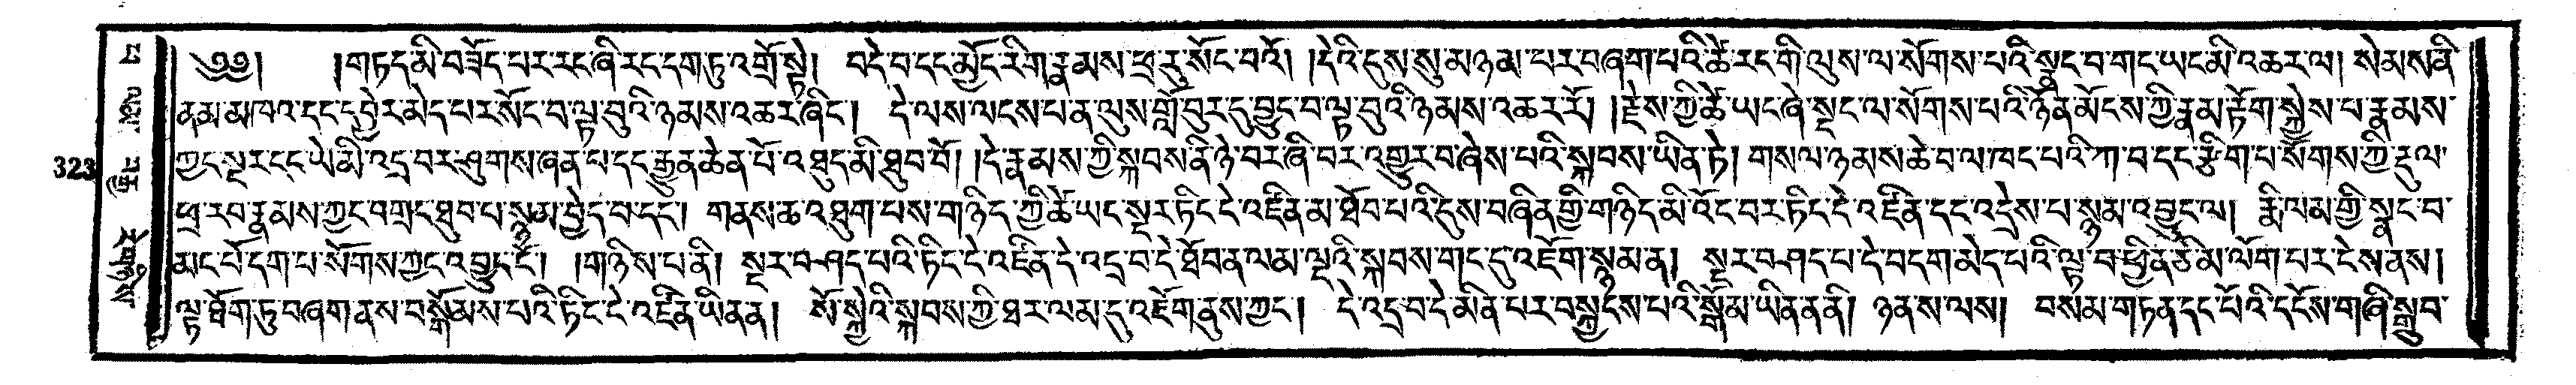༄༅། །གཏད་མི་བཟོད་པར་རང་ཞི་རང་དག་ཏུ་འགྲོ་སྟེ། བདེ་བ་དང་མྱོང་རིག་རྣམས་ཕྲ་རུ་སོང་བའོ། །དེའི་དུས་སུ་མཉམ་པར་བཞག་པའི་ཚེ་རང་གི་ལུས་ལ་སོགས་པའི་སྣང་བ་གང་ཡང་མི་འཆར་ལ། སེམས་ནི་
ནམ་མཁའ་དང་དབྱེར་མེད་པར་སོང་བ་ལྟ་བུའི་ཉམས་འཆར་ཞིང་། དེ་ལས་ལངས་པ་ན་ལུས་གློ་བུར་དུ་བྱུང་བ་ལྟ་བུའི་ཉམས་འཆར་རོ། །རྗེས་ཀྱི་ཚེ་ཡང་ཞེ་སྡང་ལ་སོགས་པའི་ཉོན་མོངས་ཀྱི་རྣམ་རྟོག་སྐྱེས་པ་རྣམས་
ཀྱང་སྔར་དང་ཡེ་མི་འདྲ་བར་ཤུགས་ཞན་པ་དང་རྒྱུན་ཆེན་པོ་འཐུད་མི་ཐུབ་བོ། །དེ་རྣམས་ཀྱི་སྐབས་ནི་ཉེ་བར་ཞི་བར་འགྱུར་བ་ཞེས་པའི་སྐབས་ཡིན་ཏེ། གསལ་ཉམས་ཆེ་བ་ལ་ཁང་པའི་ཀ་བ་དང་རྩིག་པ་སོགས་ཀྱི་རྡུལ་
ཕྲ་རབ་རྣམས་ཀྱང་བགྲང་ཐུབ་པ་སྙམ་བྱེད་པ་དང་། གནས་ཆ་འཐུག་པས་གཉིད་ཀྱི་ཚེ་ཡང་སྔར་ཏིང་ངེ་འཛིན་མ་ཐོབ་པའི་དུས་བཞིན་གྱི་གཉིད་མི་འོང་བར་ཏིང་ངེ་འཛིན་དང་འདྲེས་པ་སྙམ་འབྱུང་ལ། རྨི་ལམ་གྱི་སྣང་བ་
མང་པོ་དག་པ་སོགས་ཀྱང་འབྱུང་ངོ། །གཉིས་པ་ནི། སྔར་བཤད་པའི་ཏིང་ངེ་འཛིན་དེ་འདྲ་བ་དེ་ཐོབ་ན་ལམ་ལྔའི་སྐབས་གང་དུ་འཇོག་སྙམ་ན། སྔར་བཤད་པ་དེ་བདག་མེད་པའི་ལྟ་བ་ཕྱིན་ཅི་མ་ལོག་པར་ངེས་ནས།
ལྟ་ཐོག་ཏུ་བཞག་ནས་བསྒོམས་པའི་ཏིང་ངེ་འཛིན་ཡིན་ན། སོ་སྐྱེའི་སྐབས་ཀྱི་ཐར་ལམ་དུ་འཇོག་ནུས་ཀྱང་། དེ་འདྲ་བ་དེ་མིན་པར་བསྐྱངས་པའི་སྒོམ་ཡིན་ནི། ཉན་ས་ལས། བསམ་གཏན་དང་པོའི་དངོས་གཞི་སྒྲུབ་